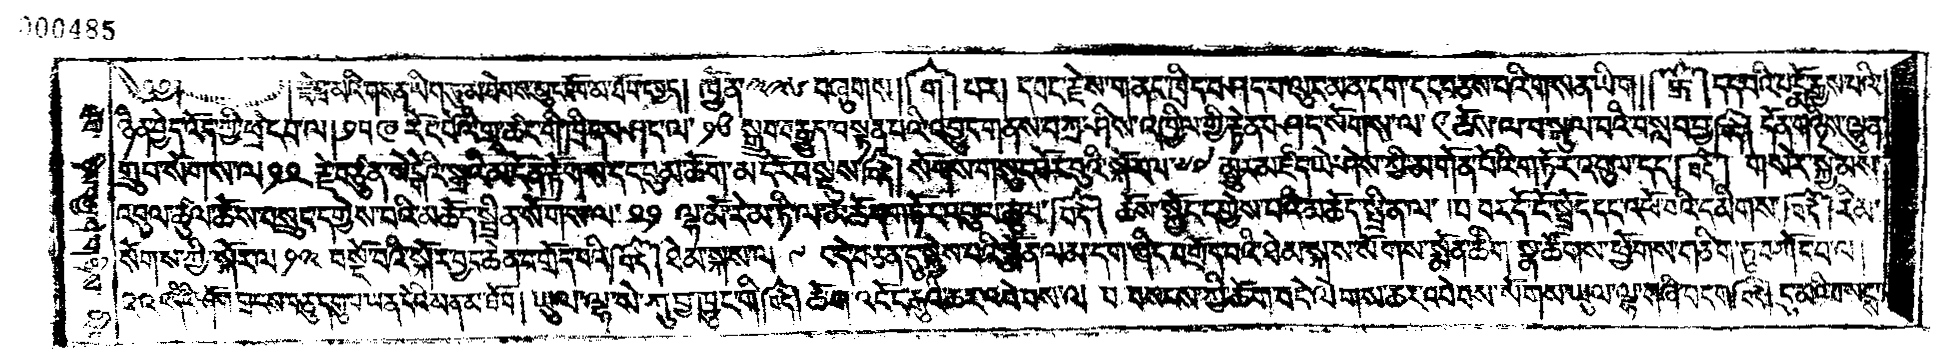༄༅། ། རྗེ་བླ་མའི་གསན་ཡིག་ཏུ་མ་ཐེབས་མུང་ཐོག་མ་ཐོབ་དཔྱད།  ཁྱོན ༣༣༦་བཞུགས། ༼ག༽ པར། དབང་རྗེས་གནང་ཁྲིད་བཤད་པ་ལུང་མན་ངག་དང་བཅས་པའི་གསན་ཡིག །དད་པའི་པདམོ་རྒྱས་པའི་
ཉིན་བྱེད་འོད་ཀྱི་ཕྲེང་བ་ལ། ༡༥་རོང་པོའི་གྲྭ་ཚང་གི་ཁྲིད་བཤད་ལ༡༦་སྒྲུབ་བརྒྱུད་བསྟན་པའི་འབྱུང་གནས་བཀྲ་ཤིས་འཁྱིལ་གྱི་རྟེན་བཤད་སོགས་ལ༩་ཆོས་ལ་བསྐུལ་བའི་བསླབ་བྱ ༼བདེ༽ དོན་གཉིས་ལྷུན་
གྲུབ་སོགས་ལ༡༢་རྗེ་བཙུན་སེངྒེའི་སྒྲའི་མངོན་རྟོགས་དང་བུམ་ཆོག་མདོར་བསྡུས ༼བདེ༽ སོགས་གསུང་ཐོར་བུའི་སྐོར་ལ ༤༧་མྱུར་མཛད་ཡེ་ཤེས་ཀྱི་མགོན་པོའི་གཏོར་འབུལ་དང ༼བདེ༽ གསེར་སྐྱེམས་
འབུལ་ཚུལ་ཆོས་བསྲུང་དགྱེས་པའི་མཆོད་སྤྲིན་སོགས་ལ༢༡་ལྷ་མོ་རེ་མ་ཏི་ལ་མཆོད་གཏོར་འབུལ་ཚུལ ༼བདེ༽ ཆོས་སྐྱོང་དགྱེས་པའི་མཆོད་སྤྲིན་ལ་ཁ་བར་དོ་ངོ་སྤྲོད་དང་འཕོ་བའི་དམིགས ༼བདེ༽ རིམ་
སོགས་ཀྱི་སྐོར་ལ ༡༣་བསྔོ་བའི་སྐོར་བྱང་ཆེན་བགྲོད་པའི ༼བདེ༽ ཐེམ་སྐས་ལ་བདེ་བ་ཅན་དུ་སྐྱེས་པའི་སྨོན་ལམ་དག་ཞིང་བགྲོད་པའི་ཐེམ་སྐས་སོགས་སྨོན་ཚིག་སྣ་ཚོགས་ཕྱོགས་གཅིག་ཏུ་བཀོད་པ་ལ།
༢༢་འདིའི་ཤོག་གྲངས་བཅུ་དགུ་པ་ཡན་དེའི་སན་མ་ཐོབ། ཡུལ་ལྷ་སེ་ཀུ་བྱ་ཁྱུང་གི ༼བདེ༽ ཆོག་འདོད་རྒུའི་ཆར་འབེབས་ལ་བ་བསངས་ཀྱི་ཆོ་ག་བདེ་ལེགས་ཆར་འབེབས་སོགས་ཡུལ་ལྷ་གཞི་བདག ༼བདེ༽ དུ་མའི་བསངས་